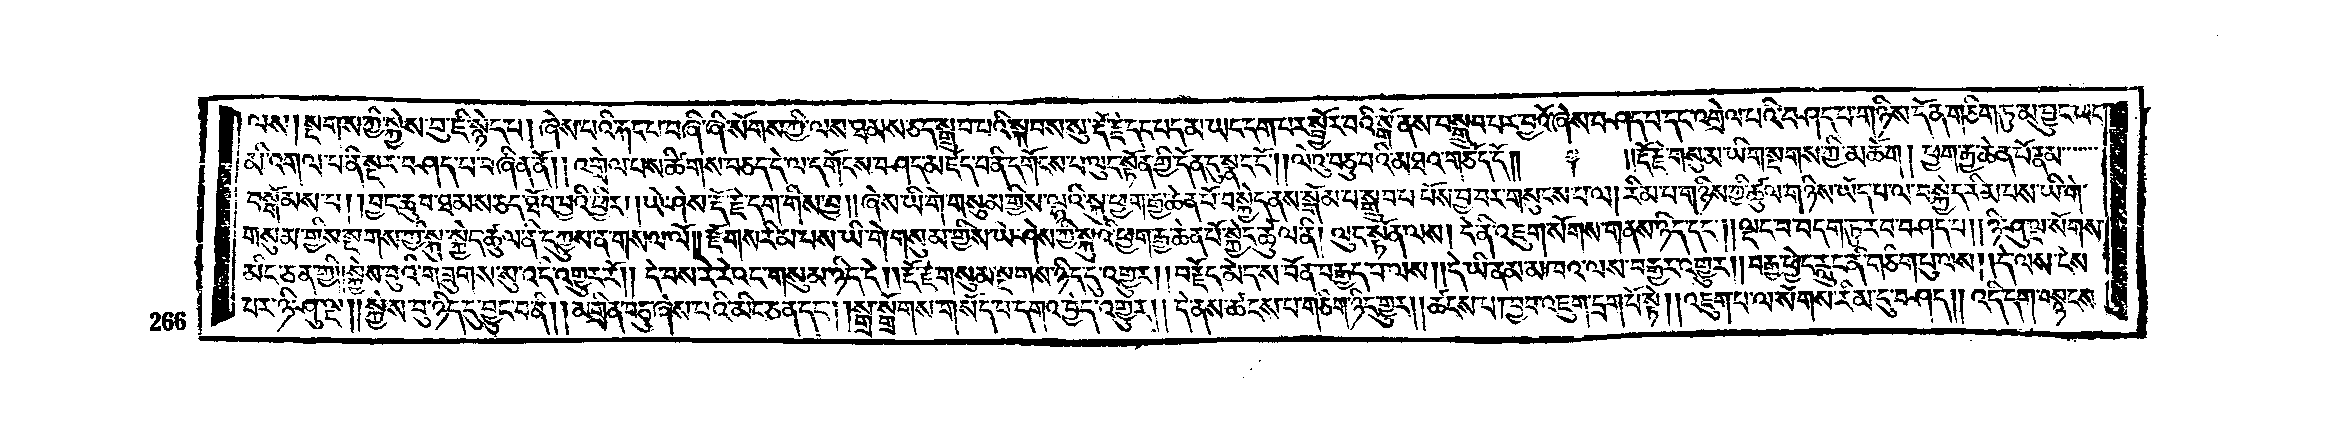ལས། སྔགས་ཀྱི་སྐྱེས་བུ་ཇི་སྙེད་པ། ཞེས་པའི་རྐང་པ་བཞི་ཞི་སོགས་ཀྱི་ལས་ཐམས་ཅད་སྒྲུབ་པའི་སྐབས་སུ་རྡོ་རྗེ་དང་པད་མ་ཡང་དག་པར་སྦྱོར་བའི་སྒོ་ནས་བསྒྲུབ་པར་བྱའོ་ཞེས་བཤད་པ་དང་འགྲེལ་པའི་བཤད་པ་གཉིས་དོན་གཅིག་ཏུ་མ་བྱུང་ཡང་
མི་འགལ་པ་ནི་སྔར་བཤད་པ་བཞིན་ནོ། །འགྲེལ་པས་ཚིགས་བཅད་དེ་ལ་དགོངས་བཤད་མཛད་པ་ནི་དགོངས་པ་ལུང་སྟོན་གྱི་དོན་དུ་སྣང་ངོ། །ལེའུ་བཅུ་པའི་མཐའ་གཅོད་དོ།། ༈ །།རྡོ་རྗེ་གསུམ་ཡིག་སྔགས་ཀྱི་མཆོག །ཕྱག་རྒྱ་ཆེན་པོ་རྣམ་
བསྒོམས་པ། །བྱང་ཆུབ་ཐམས་ཅད་ཐོབ་བྱའི་ཕྱིར། །ཡེ་ཤེས་རྡོ་རྗེ་དག་གིས་བྱ། །ཞེས་ཡི་གེ་གསུམ་གྱིས་ལྷའི་སྐུ་ཕྱག་རྒྱ་ཆེན་པོ་བསྐྱེད་ནས་སྒོམ་པ་སྒྲུབ་པ་པོས་བྱ་བར་གསུངས་པ་ལ། རིམ་པ་གཉིས་ཀྱི་ཚུལ་གཉིས་ཡོད་པ་ལ་བསྐྱེད་རིམ་པས་ཡི་གེ་
གསུམ་གྱིས་སྔགས་ཀྱི་སྐུ་སྐྱེད་ཚུལ་ནི་དཀྱུས་ན་གསལ་ལོ། །རྫོགས་རིམ་པས་ཡི་གེ་གསུམ་གྱིས་ཡེ་ཤེས་ཀྱི་སྐུའི་ཕྱག་རྒྱ་ཆེན་པོ་སྐྱེད་ཚུལ་ནི། ལུང་སྟོན་ལས། དེ་ནི་འཇུག་སོགས་གནས་ཉིད་དང་། །ལྡང་བ་བདག་ཏུ་རབ་བཤད་པ། །ཉི་ཤུ་ལྔ་སོགས་
མིང་ཅན་གྱི། །སྐྱེས་བུའི་གཟུགས་སུ་འདི་འགྱུར་རོ། །དེ་བས་རེ་རེ་འང་གསུམ་ཉིད་དེ། །རྡོ་རྗེ་གསུམ་སྔགས་ཉིད་དུ་འགྱུར། །བརྗོད་མེད་ས་བོན་བརྒྱད་པ་ལས། །དེ་ཡི་ནམ་མཁའ་ལས་བརྒྱར་འགྱུར། །བརྒྱ་ཕྱེད་རླུང་ནི་གཅིག་པུ་ལས། །དེ་ལས་ངེས་
པར་ཉི་ཤུ་ལྔ། །སྐྱེས་བུ་ཉིད་དུ་བྱུང་བ་ནི། །མགྲིན་བཅུ་ཞེས་པའི་མིང་ཅན་དང་། །སྒྲ་སྒྲོགས་གསོད་པ་དགའ་བྱེད་འགྱུར། །དེ་ནས་ཚངས་པ་གཅིག་ཉིད་གྱུར། །ཚངས་པ་ཁྱབ་འཇུག་དྲག་པོ་སྟེ། །འཇུག་པ་ལ་སོགས་རིམ་དུ་བཤད། །འདི་དག་བསྙེངས་